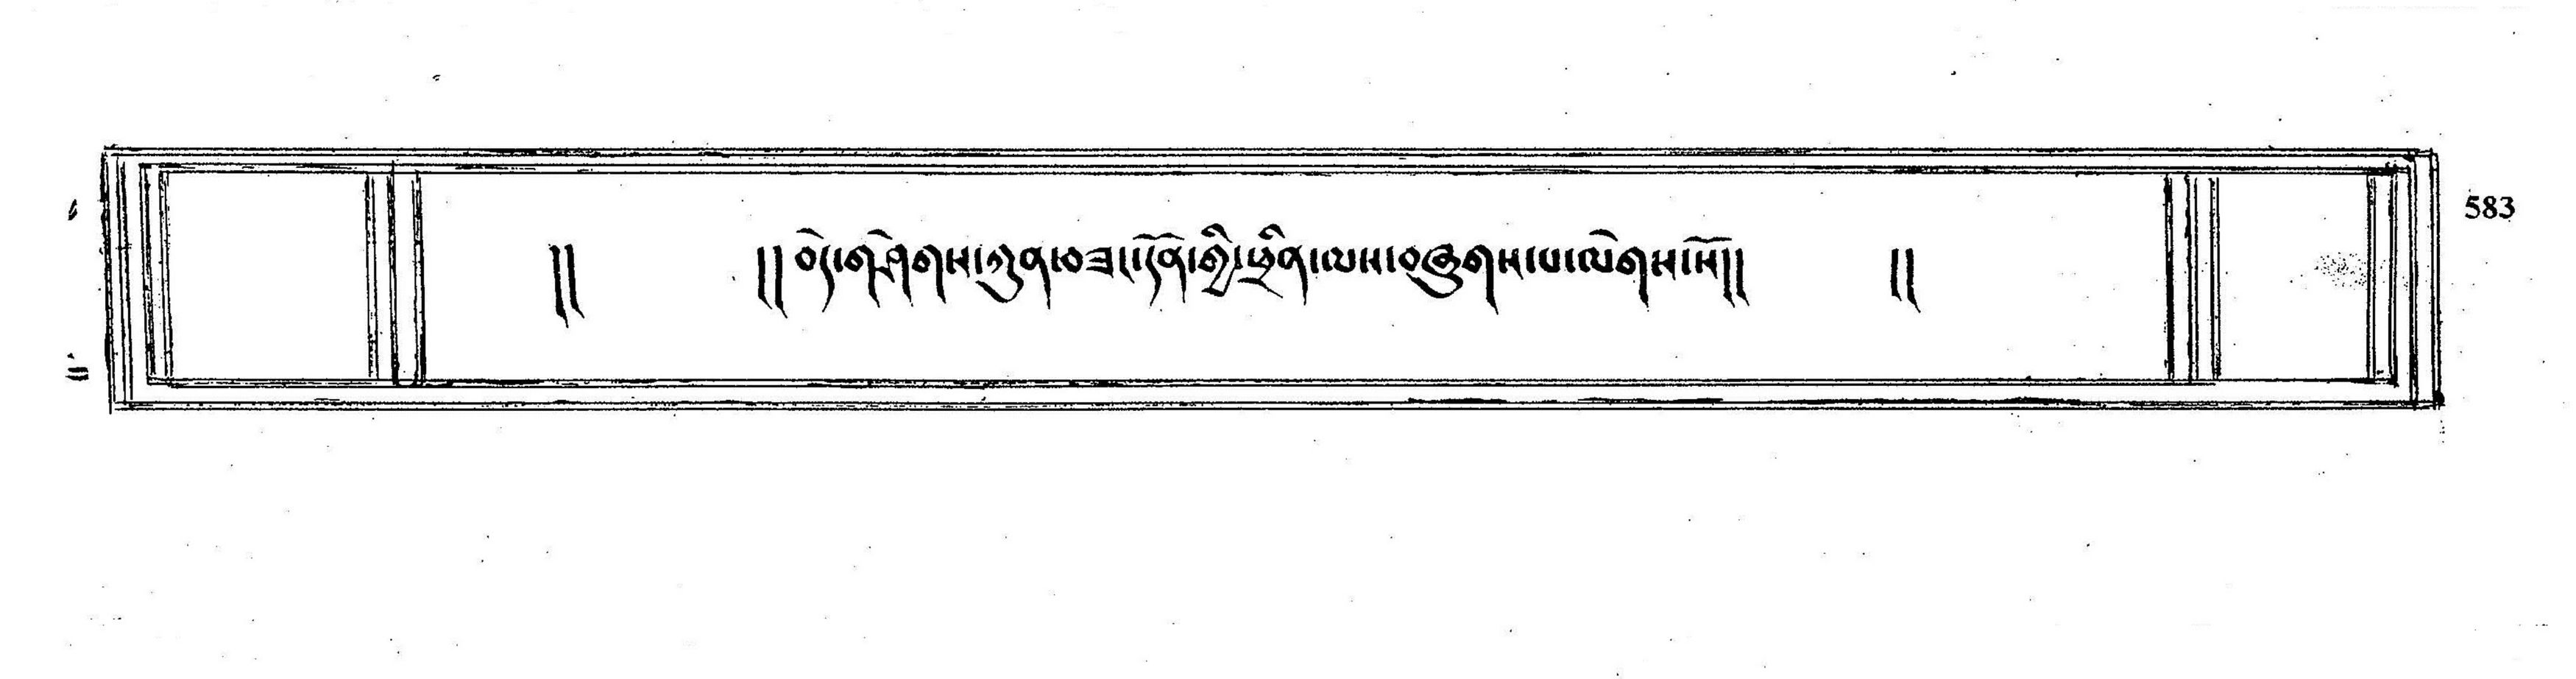།། །།བདེ་གཤེགས་ཀུན་བཟང་དོན་གྱི་ཕྲིན་ལས་བཞུགས་པ་ལེགས་སོ།། །།